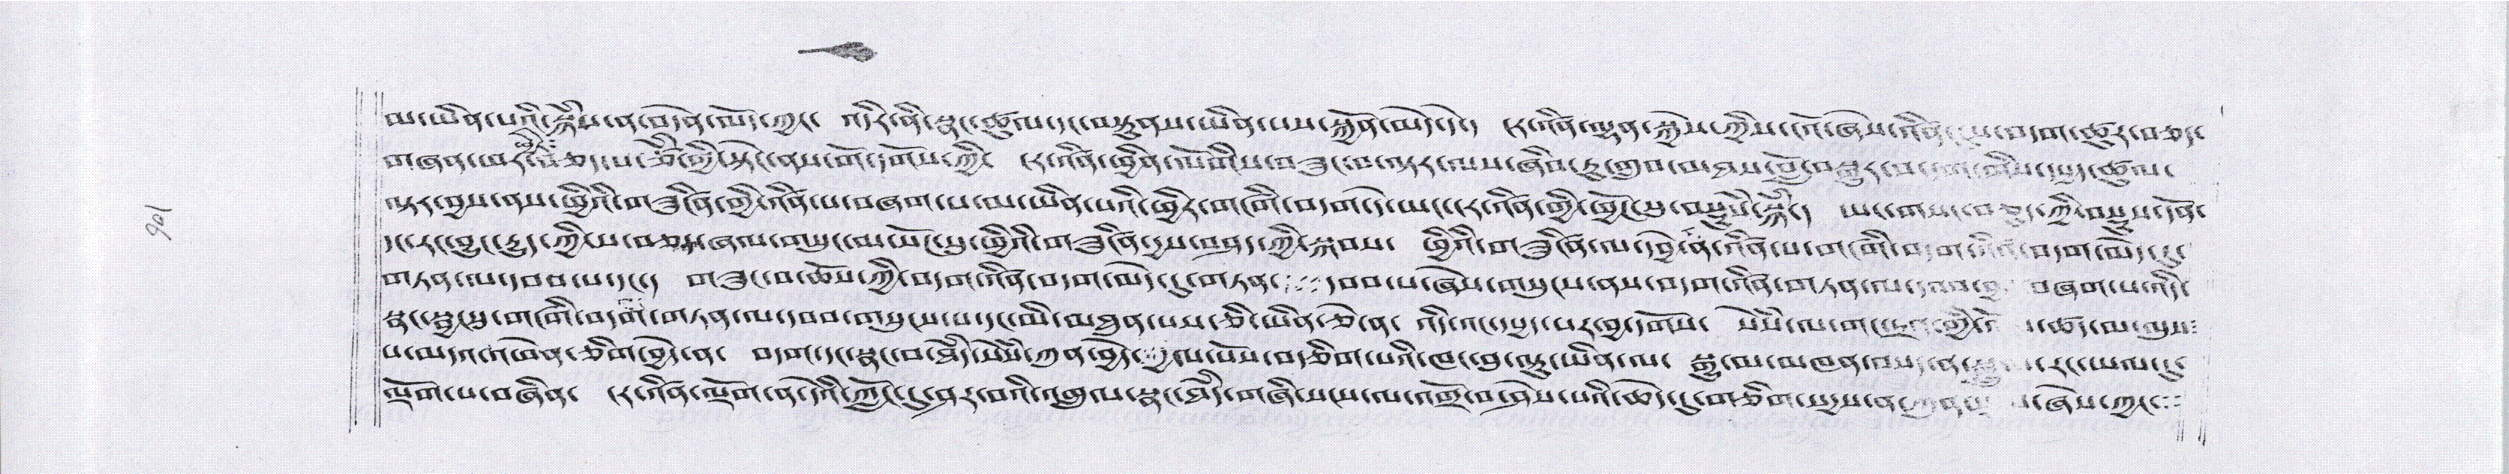མ་ཡིན་པའི་ཕྱིར་སྙམ་ན་བདེན་མོད་ཀྱང་། འདིར་ནི་སྣང་ཚུལ་དང་བསྟུན་ནས་ཡིན་པས་སྐྱོན་མེད་དེ། ངར་འཛིན་ལྷན་སྐྱེས་ཀྱིས་ངའོ་ཞེས་བདག་ཚུར་བཅད་
གཞན་ཕར་བཅད་པ་ཙམ་གྱི་སྟེང་ནས་གོ་དགོས་ཀྱི། ངར་འཛིན་ཕྱིན་ལོག་གིས་བཟུང་བ་ལྟར་ལས་ཞིབ་ཏུ་གྲུབ་མཐས་བློ་བསྒྱུར་བ་དག་གིས་དཔྱད་ཚུལ་
ལྟར་བྱས་ནས་ཕྱིའི་གཟུང་འཛིན་གྱི་འཛིན་པ་བཞག་པ་མ་ཡིན་པའི་ཕྱིར་གང་ཟག་གི་བདག་དེ་ཡང་ངར་འཛིན་གྱི་ཕྱོགས་སུ་བསྡུས་སམ་སྙམ། ཡང་གསང་བཅུད་ཀྱི་བསྡུས་དོན་
དང་རང་བྱུང་རྒྱུད་ཀྱི་ས་བཅད་ཞལ་གསུང་ལ་སོགས་སུ་ཕྱི་ཡི་གཟུང་འཛིན་རྒྱས་བཤད་ཀྱི་སྐབས། ཕྱིའི་གཟུང་འཛིན་ལ་དབྱེ་ན་འཛིན་པ་གང་ཟག་གི་བདག་འཛིན་བདག་མེད་དུ་
གཏན་ལ་དབབ་པ་དང་། བཟུང་བ་ཆོས་ཀྱི་བདག་འཛིན་བདག་མེད་དུ་གཏན་ལ་དབབ་པ་ཞེས་གསུངས་ནས་བདག་འཛིན་གཏན་ལ་དབབ་བྱར་བཞག་པ་འདི་
སྣང་སྦྱངས་སུ་གང་ཟག་གི་བདག་གཏན་ལ་དབབ་གསུངས་པ་དང་མི་མཐུན་པ་ཅི་ཡིན་ཅེ་ན། འདིའང་དཔྱད་པར་བྱ་དགོས་ཏེ། སེམས་ལ་གང་དྲན་གྱི་འོངས་ཚད་མ་ལུས་
པ་མདའ་འཕེན་ཅིག་བྱེད་ན། བདག་དང་སྣང་བ་ཐམས་ཅད་སེམས་ཀུན་བྱེད་རྒྱལ་པོས་རྩིག་པའི་ཁང་བུ་ལྟ་བུ་ཡིན་ལ། སྒྱུ་མ་མཁན་བསད་ན་སྒྱུ་མ་རང་ཡལ་དུ་
ལྡོག་པ་བཞིན། ངར་འཛིན་ལྡོག་ན་དེའི་ཀློང་དུ་ཤར་བའི་འཁྲུལ་སྣང་ཐམས་ཅད་གཞི་སངས་ལ་འགྲོ་བ་ཤེས་པའི་ཆེད་དུ་གཅིག་སངས་རྒྱས་ན་ཀུན་སངས་རྒྱས་ཞེས་ཀྱང་